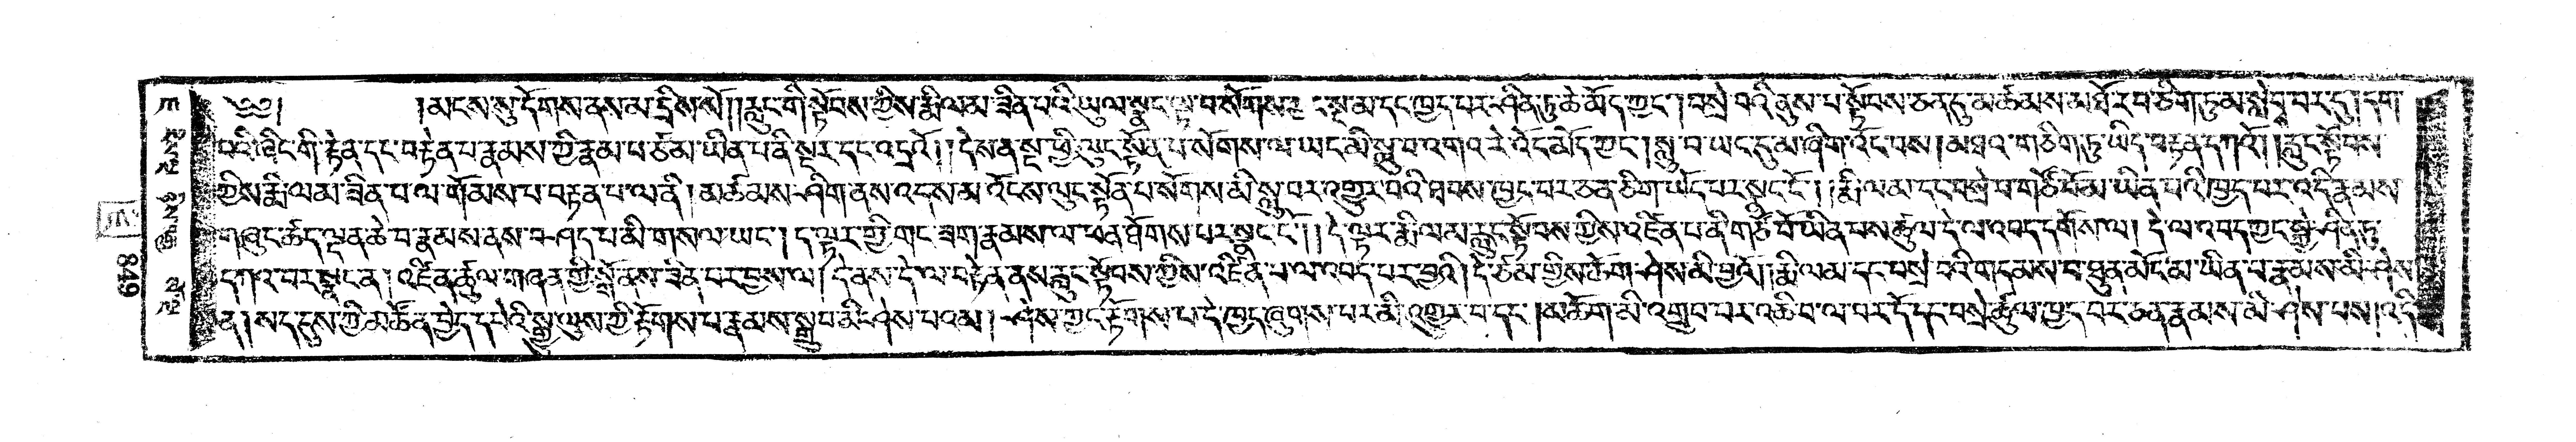༄༅། །མངས་སུ་དོགས་ནས་མ་བྲིས་སོ། །རླུང་གི་སྟོབས་ཀྱིས་རྨི་ལམ་ཟིན་པའི་ཡུལ་སྣང་ལྟ་བ་སོགས་ཀྱང་སྔ་མ་དང་ཁྱད་པར་ཤིན་ཏུ་ཆེ་མོད་ཀྱང་། བསྲེ་བའི་ནུས་པ་སྟོབས་ཅན་དུ་མཚམས་མཐོ་རབ་ཅིག་ཏུ་མ་སློབས་བར་དུ། དག་
པའི་ཞིང་གི་རྟེན་དང་བརྟེན་པ་རྣམས་ཀྱི་རྣམ་པ་ཙམ་ཡིན་པ་ནི་སྔར་དང་འདྲའོ། །དེས་ན་སྔ་ཕྱི་ལུང་སྟོན་པ་སོགས་ལ་ཡང་མི་སླུ་བ་འགའ་རེ་འོང་མོད་ཀྱང་། སླུ་བ་ཡང་དུ་མ་ཞིག་འོང་བས། མཐའ་གཅིག་ཏུ་ཡིད་བརྟེན་དཀའོ། །རླུང་སྟོབས་
ཀྱིས་རྨི་ལམ་ཟིན་པ་ལ་གོམས་པ་བརྟན་པ་ལ་ནི། མཚམས་ཤིག་ནས་འདས་མ་འོངས་ལུང་སྟོན་པ་སོགས་མི་སླུ་བར་འགྱུར་བའི་ཐབས་ཁྱད་པར་ཅན་ཅིག་ཡོད་པར་སྣང་ངོ། །རྨི་ལམ་དང་བསྲེ་བ་གཙོ་བོ་མ་ཡིན་པའི་ཁྱད་པར་འདི་རྣམས་
གཞུང་ཆེད་ལྡན་ཆེ་བ་རྣམས་ནས་བཤད་པ་མི་གསལ་ཡང་། ད་ལྟར་གྱི་གང་ཟག་རྣམས་ལ་ཕན་ཐོགས་པར་སྣང་ངོ། །དེ་ལྟར་རྨི་ལམ་རླུང་སྟོབས་ཀྱིས་འཛིན་པ་ནི་གཙོ་བོ་ཡིན་པས་ཚུལ་དེ་ལ་འབད་དགོས་ལ། དེ་ལ་འབད་ཀྱང་སྐྱེ་ཤིན་ཏུ་
དཀའ་བར་སྣང་ན། འཛིན་ཚུལ་གཞན་གྱི་སྒོ་ནས་ཟིན་པར་བྱས་ལ། དེ་ནས་དེ་ལ་བརྟེན་ནས་རླུང་སྟོབས་ཀྱིས་འཛིན་པ་ལ་འབད་པར་བྱའི་།དེ་ཙམ་གྱིས་ཆོག་ཤེས་མི་བྱའོ། །རྨི་ལམ་དང་བསྲེ་བའི་གདམས་པ་ཐུན་མོང་མ་ཡིན་པ་རྣམས་མི་ཤེས་
ན། སད་དུས་ཀྱི་མཚོན་བྱེད་དཔེའི་སྒྱུ་ལུས་ཀྱི་རྟོགས་པ་རྣམས་སྒྲུབ་མི་ཤེས་པའམ། ཤེས་ཀྱང་རྟོགས་པ་དེ་ཁྱད་ཞུགས་པར་མི་འགྱུར་བ་དང་། མཆོག་མི་འགྲུབ་པར་འཆི་བ་ལ་བར་དོ་དང་བསྲེ་ཚུལ་ཁྱད་པར་ཅན་རྣམས་མི་ཤེས་པས། འདི་